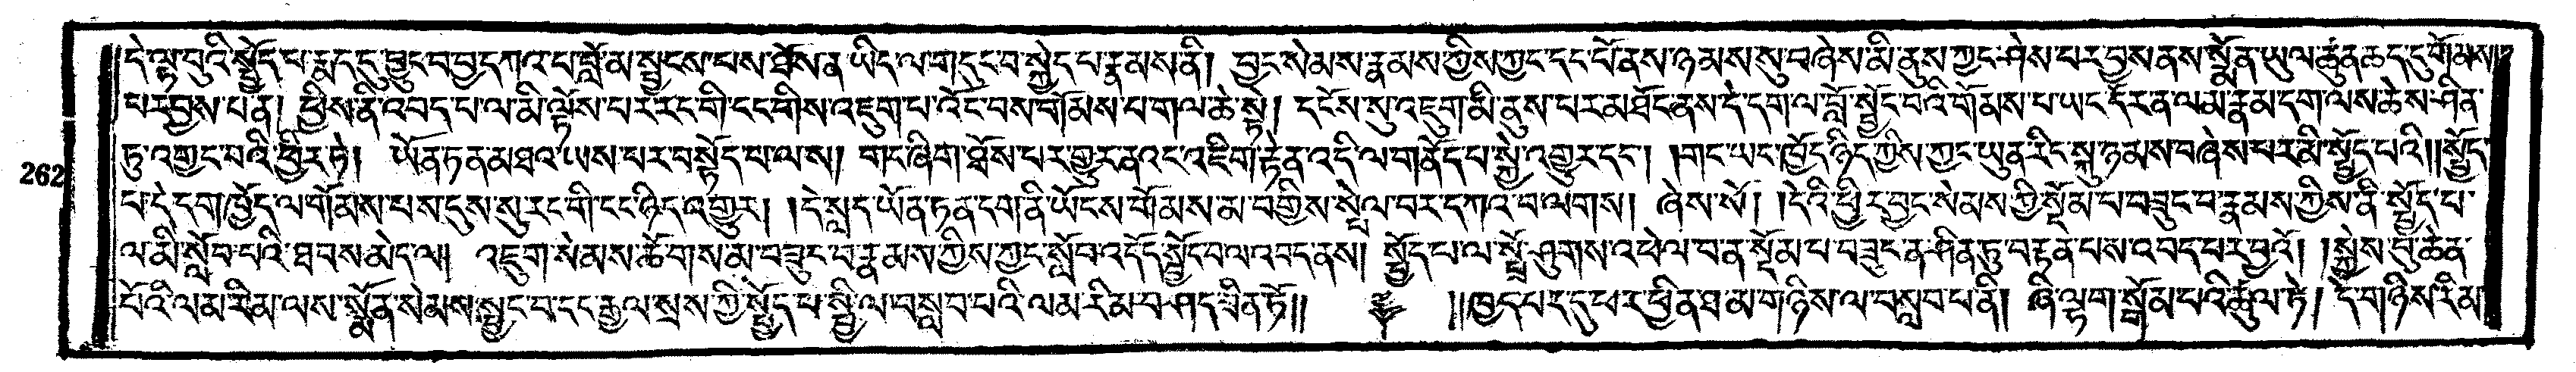དེ་ལྟ་བུའི་སྤྱོད་པ་རྨད་དུ་བྱུང་བ་བྱ་དཀའ་པ་བློ་མ་སྦྱངས་པས་ཐོས་ན་ཡིད་ལ་གདུང་བ་སྐྱེད་པ་རྣམས་ནི། བྱང་སེམས་རྣམས་ཀྱིས་ཀྱང་དང་པོ་ནས་ཉམས་སུ་བཞེས་མི་ནུས་ཀྱང་ཤེས་པར་བྱས་ནས་སྨོན་ཡུལ་ཚུན་ཆད་དུ་གོམས་
པར་བྱས་པ་ན། ཕྱིས་ནི་འབད་པ་ལ་མི་ལྟོས་པར་རང་གི་ངང་གིས་འཇུག་པ་འོང་བས་གོམས་པ་གལ་ཆེ་སྟེ། དངོས་སུ་འཇུག་མི་ནུས་པར་མཐོང་ནས་དེ་དག་ལ་བློ་སྦྱོང་བའི་གོམས་པ་ཡང་དར་ན་ལམ་རྣམ་དག་ལས་ཆེས་ཤིན་
ཏུ་འགྱང་བའི་ཕྱིར་ཏེ། ཡོན་ཏན་མཐའ་ཡས་པར་བསྟོད་པ་ལས། གང་ཞིག་ཐོས་པར་གྱུར་ནའང་འཇིག་རྟེན་འདི་ལ་གནོད་པ་སྐྱེ་འགྱུར་དང་། །གང་ཡང་ཁྱོད་ཉིད་ཀྱིས་ཀྱང་ཡུན་རིང་སྐུ་ཉམས་བཞེས་པར་མི་སྤྱོད་པའི། །སྤྱོད་
པ་དེ་དག་ཁྱོད་ལ་གོམས་པས་དུས་སུ་རང་གི་ངང་ཉིད་འགྱུར། །དེ་སླད་ཡོན་ཏན་དག་ནི་ཡོངས་གོམས་མ་བགྱིས་སྤེལ་བར་དཀའ་བ་ལགས། ཞེས་སོ། །དེའི་ཕྱིར་བྱང་སེམས་ཀྱི་སྡོམ་པ་བཟུང་བ་རྣམས་ཀྱིས་ནི་སྤྱོད་པ་
ལ་མི་སློབ་པའི་ཐབས་མེད་ལ། འཇུག་སེམས་ཆོ་གས་མ་བཟུང་བ་རྣམས་ཀྱིས་ཀྱང་སློབ་འདོད་སྤྱོད་བ་ལ་འབད་ནས། སྤྱོད་པ་ལ་སྤྲོ་ཤུགས་འཕེལ་བ་ན་སྡོམ་པ་བཟུང་ན་ཤིན་ཏུ་བརྟན་པས་འབད་པར་བྱའོ། །སྐྱེས་བུ་ཆེན་
པོའི་ལམ་རིམ་ལས་སྨོན་སེམས་སྦྱང་བ་དང་རྒྱལ་སྲས་ཀྱི་སྤྱོད་པ་སྤྱི་ལ་བསླབ་པའི་ལམ་རིམ་བཤད་ཟིན་ཏོ།། ༈ །།ཁྱད་པར་དུ་ཕར་ཕྱིན་ཐ་གཉིས་ལ་བསླབ་པ་ནི། ཞི་ལྷག་སྒོམ་པའི་ཚུལ་ཏེ། དེ་གཉིས་རིམ་